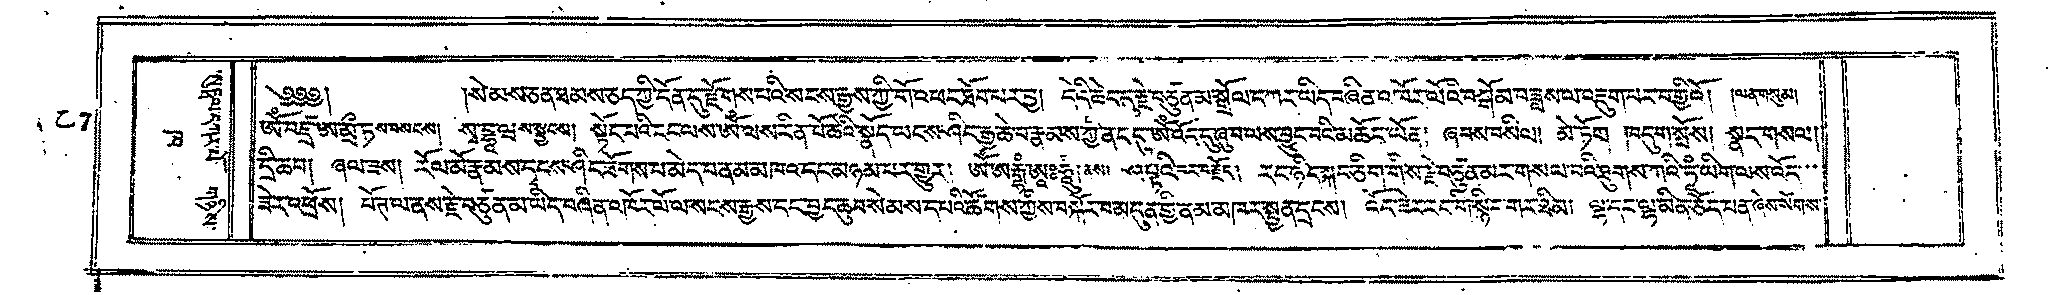༄༅༅། །སེམས་ཅན་ཐམས་ཅད་ཀྱི་དོན་དུ་རྫོགས་པའི་སངས་རྒྱས་ཀྱི་གོ་འཕང་ཐོབ་པར་བྱ། དེའི་ཆེད་དུ་རྗེ་བཙུན་མ་སྒྲོལ་དཀར་ཡིད་བཞིན་འཁོར་ལོའི་བསྒོམ་བཟླས་ལ་འཇུག་པར་བགྱིའོ། ། ལན་གསུམ།
ཨོཾ་བཛྲ་ཨ་མྲྀ་ཏས་བསངས།  སྭ་བྷཱ་ཝས་སྦྱངས། སྟོང་པའི་ངང་ལས་ཨོཾ་ལས་རིན་པོ་ཆེའི་སྣོད་ཡངས་ཤིང་རྒྱ་ཆེ་བ་རྣམས་ཀྱི་ནང་དུ་ཨོཾ་འོད་དུ་ཞུ་བ་ལས་བྱུང་བའི་མཆོད་ཡོན། ཞབས་བསིལ། མེ་ཏོག །བདུག་སྤོས། སྣང་གསལ།
དྲི་ཆབ། ཞལ་ཟས། རོལ་མོ་རྣམས་དྭངས་ཤིང་ཐོགས་པ་མེད་པ་ནམ་མཁའ་དང་མཉམ་པར་གྱུར། ཨོཾ་ཨརྒྷཾ་ཨཱཿཧཱུཾ། ནས།  ཤཔྟའི་བར་བརྗོད།  རང་ཉིད་སྐད་ཅིག་གིས་རྗེ་བཙུན་མར་གསལ་བའི་ཐུགས་ཀའི་ཏཱཾ་ཡིག་ལས་འོད་་་
ཟེར་འཕྲོས། པོ་ཊ་ལ་ནས་རྗེ་བཙུན་མ་ཡིད་བཞིན་འཁོར་ལོ་ལ་སངས་རྒྱས་དང་བྱང་ཆུབ་སེམས་དཔའི་ཚོགས་ཀྱིས་བསྐོར་བ་མདུན་གྱི་ནམ་མཁར་སྤྱན་དྲངས། འོད་ཟེར་རང་གི་སྙིང་གར་ཐིམ། ལྷ་དང་ལྷ་མིན་ཅོད་པ་ན་ཞེས་སོགས་